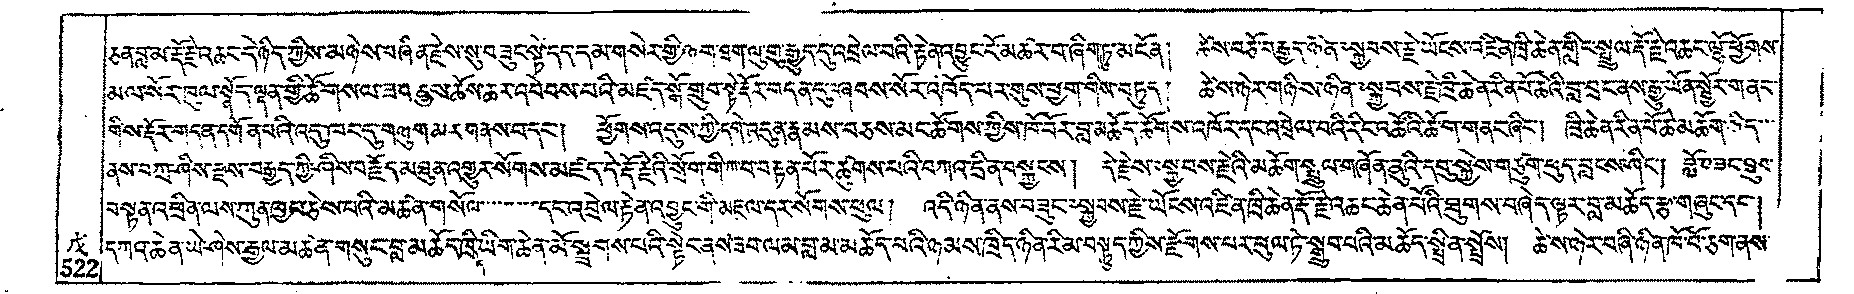ཅན་བླ་མ་རྡོ་རྗེ་འཆང་དེ་ཉིད་ཀྱིས་མཉེས་བཞིན་རྗེས་སུ་བཟུང་སྟེ་དད་དམ་གསེར་གྱི་ཉག་ཐག་ལུ་གུ་རྒྱུད་དུ་འབྲེལ་བའི་རྟེན་འབྱུང་ངོ་མཚར་བ་ཞིག་ཏུ་མངོན། ཚེས་བཅོ་བརྒྱད་ཉིན་༧སྐྱབས་རྗེ་ཡོངས་འཛིན་ཁྲི་ཆེན་གླིང་སྤྲུལ་རྡོ་རྗེ་འཆང་ལྷོ་ཕྱོགས་
མལ་སོར་ཁུལ་སྣོད་ལྡན་གྱི་ཚོགས་ལ་ཟབ་རྒྱས་ཆོས་ཆར་འབེབས་པའི་མཛད་སྒོ་གྲུབ་སྟེ་རྡོར་གདན་དུ་༧ཞབས་སོར་འཁོད་པར་གུས་ཕྱག་གིས་བཏུད། ཚེས་ཉེར་གཉིས་ཉིན་༧སྐྱབས་རྗེ་ཁྲི་ཆེན་རིན་པོ་ཆེའི་བླ་བྲང་ནས་རྒྱུ་ཡོན་སྦྱོར་གནང་
གིས་རྡོར་གདན་དགོན་པའི་འདུ་ཁང་དུ་གཉུག་མར་གནས་པ་དང་། ཕྱོགས་འདུས་ཀྱི་དགེ་འདུན་རྣམས་བཅས་མང་ཚོགས་ཀྱིས་ཁོ་བོར་བླ་མཆོད་ཚོགས་འཁོར་དང་འབྲེལ་བའི་རིང་འཚོའི་ཆོ་ག་གནང་ཞིང་། ཁྲི་ཆེན་རིན་པོ་ཆེ་མཆོག་ཉིད་
ནས་བཀྲ་ཤིས་རྫས་བརྒྱད་ཀྱི་ཤིས་བརྗོད་མཐུན་འགྱུར་སོགས་མཛད་དེ་རྡོ་རྗེའི་སྲོག་གི་ཀ་བ་བརྟན་པོར་ཚུགས་པའི་བཀའ་དྲིན་བསྐྱངས། དེ་རྗེས་༧སྐྱབས་རྗེའི་མཆོག་སྤྲུལ་གཞོན་ནུའི་དབུ་སྐྱེས་གཙུག་ཕུད་བླངས་ཤིང་། བློ་བཟང་ཐུབ་
བསྟན་འཕྲིན་ལས་ཀུན་ཁྱབ་ཅེས་པའི་མཚན་གསོལ་དང་འབྲེལ་རྟེན་འབྱུང་གི་མཇལ་དར་སོགས་ཕུལ། འདི་ཉིན་ནས་བཟུང་༧སྐྱབས་རྗེ་ཡོངས་འཛིན་ཁྲི་ཆེན་རྡོ་རྗེ་འཆང་ཆེན་པོའི་ཐུགས་བཞེད་ལྟར་བླ་མཆོད་རྩ་གཞུང་དང་།
དཀའ་ཆེན་ཡེ་ཤེས་རྒྱལ་མཚན་གསུང་བླ་མཆོད་ཁྲིད་ཡིག་ཆེན་མོ་སྦྲགས་པའི་སྟེང་ནས་ཟབ་ལམ་བླ་མ་མཆོད་པའི་ཉམས་ཁྲིད་ཉིན་རིམ་བསྟུད་ཀྱིས་རྫོགས་པར་ཕུལ་ཏེ་སྒྲུབ་པའི་མཆོད་སྤྲིན་སྤྲོས། ཚེས་ཉིར་བཞི་ཉིན་ཁོ་བོ་ཅག་ནས་